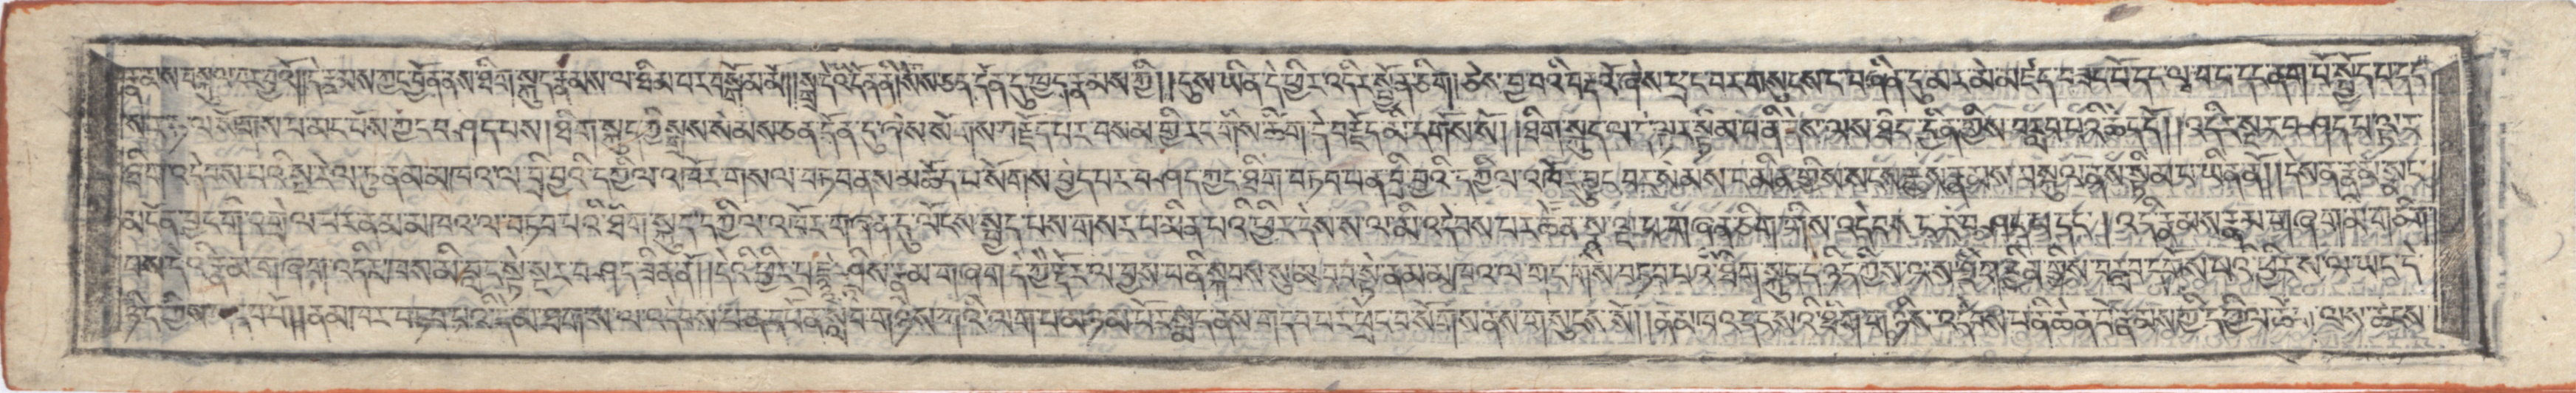རྣམས་བསྐུལ་བར་བྱའོ། །དེ་རྣམས་ཀྱང་བྱོན་ནས་ཐིག་སྐུད་རྣམས་ལ་ཐིམ་པར་བསྒོམ་མོ། །སྒྲ་དེའི་དོན་ནི། སེམས་ཅན་དོན་དུ་ཁྱད་རྣམས་ཀྱི། །དུས་ཡིན་དེ་ཕྱིར་འདིར་སྤྱོན་ཅིག །ཅེས་བྱ་བའི་བརྡའོ་ཞེས་ཕྲེང་བར་གསུངས་པ་བཞིན་དུ་མར་མེ་མཛད་བཟང་པོ་དང་ལྭ་བ་པ་དང་ནག་པོ་སྤྱོད་པ་དང་
ས་ར་ཧ་ལ་སོགས་པ་མང་པོས་ཀྱང་བཤད་པས། ཐིག་སྐུད་ཀྱི་སྒྲས་སེམས་ཅན་དོན་དུ་ཞེས་སོགས་བརྗོད་པར་བསམ་གྱི་རང་གིས་ཚིག་དེ་བརྗོད་མི་དགོས་སོ། །ཐིག་སྐུད་ལ་དེ་ལྟར་སྟིམ་པ་ནི་དེས་ལས་ཐིག་བྱིན་གྱིས་བརླབ་པའི་ཆེད་དོ། །འདིར་སྔར་བཤད་པ་ལྟར་
ཐིག་འདེབས་པའི་སྔ་རོལ་ཏུ་ནམ་མཁའ་ལ་བྲི་བྱའི་དཀྱིལ་འཁོར་གསལ་བཏབ་ནས་མཆོད་པ་སོགས་བྱེད་པར་བཤད་ཀྱང་ཐིག་བཏབ་པ་ན་བྲི་བྱའི་དཀྱིལ་འཁོར་བྱུང་བར་སེམས་པ་མིན་གྱིས་སངས་རྒྱས་རྣམས་བསྐུལ་ནས་སྟིམ་པ་ཡིན་ནོ། །དེས་ན་རྣམ་སྣང་
མངོན་བྱང་གི་འགྲེལ་པར་ནམ་མཁའ་ལ་བཏབ་པའི་ཐིག་སྐུད་དཀྱིལ་འཁོར་གཞན་དུ་ལོངས་སྤྱད་པས་གསར་པ་མིན་པའི་ཕྱིར་དེས་ས་ལ་མི་འདེབས་པར་ཚོན་སྣ་ལྔ་པ་གཞན་ཅིག་གིས་འདེབས་པར་བཤད་པ་དང་། འདི་རྣམས་རྣམ་གཞག་མི་གཅིག་
པས་དེའི་རྣམ་གཞག་འདིར་ཁས་མི་བླང་སྟེ་སྔར་བཤད་ཟིན་ནོ། །དེའི་ཕྱིར་པྲཛྙཱ་ཤྲཱིས་རྣམ་གཞག་དེ་ཀྱཻ་རྡོར་ལ་བྱས་པ་ནི་སྐབས་སུ་མ་བབ་སྟེ་ནམ་མཁའ་ལ་གང་གིས་བཏབ་པའི་ཐིག་སྐུད་དེ་ཉིད་ཀྱིས་ལས་ཐིག་བྱིན་གྱིས་བརླབ་དགོས་པའི་ཕྱིར་ས་ལ་ཡང་དེ་
ཉིད་ཀྱིས་གདབ་བོ། །ནམ་མཁར་བཏབ་པའི་དེ་མ་ཐག་ས་ལ་འདེབས་པ་ནི་དཔོན་སློབ་གཉིས་ཀའི་ལག་པ་མཉམ་པོར་སྨད་ནས་གདབ་པར་ཕྲེང་བ་སོགས་ནས་གསུངས་སོ། །ནམ་མཁའ་དང་སའི་ཐིག་གཉིས་འདེབས་པ་ནི་ཆེན་པོ་རྣམས་ཀྱི་དཀྱིལ་ཆོག་ལས་ཚངས་